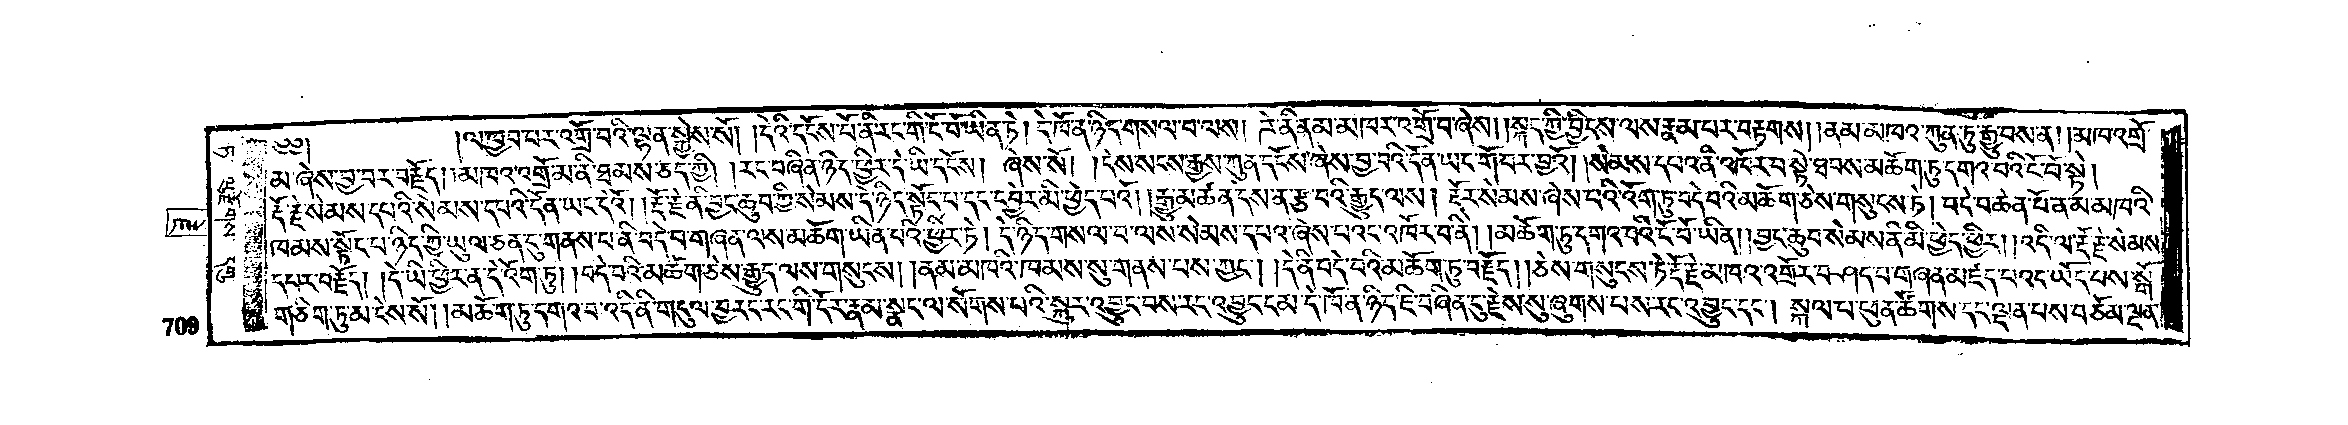༄༅། །ལ་ཁྱབ་པར་འགྲོ་བའི་ལྷན་སྐྱེས་སོ། །དེའི་དངོས་པོ་ནི་རང་གི་ངོ་བོ་ཡིན་ཏེ། དེ་ཁོ་ན་ཉིད་གསལ་བ་ལས། ཌེ་ནི་ནམ་མཁར་འགྲོ་བ་ཞེས། །སྐད་ཀྱི་བྱིངས་ལས་རྣམ་པར་བརྟགས། །ནམ་མཁའ་ཀུན་ཏུ་རྒྱུ་བས་ན། །མཁའ་འགྲོ་
མ་ཞེས་བྱ་བར་བརྗོད། །མཁའ་འགྲོ་མ་ནི་ཐམས་ཅད་ཀྱི། །རང་བཞིན་ཉིད་ཕྱིར་དེ་ཡི་དངོས། ཞེས་སོ། །དེས་སངས་རྒྱས་ཀུན་དངོས་ཞེས་བྱ་བའི་དོན་ཡང་གོ་བར་བྱའོ། །སེམས་དཔའ་ནི་འཁོར་བ་སྟེ་ཐབས་མཆོག་ཏུ་དགའ་བའི་ངོ་བོ་སྟེ།
རྡོ་རྗེ་སེམས་དཔའི་སེམས་དཔའི་དོན་ཡང་དེའོ། །རྡོ་རྗེ་ནི་བྱང་ཆུབ་ཀྱི་སེམས་དེ་ཉིད་སྟོང་པ་དང་དབྱེར་མི་ཕྱེད་པའོ། །རྒྱུ་མཚན་དེས་ན་རྩ་བའི་རྒྱུད་ལས། རྡོར་སེམས་ཞེས་པའི་འོག་ཏུ་བདེ་བའི་མཆོག་ཅེས་གསུངས་ཏེ། བདེ་བ་ཆེན་པོ་ནམ་མཁའི་
ཁམས་སྟོང་པ་ཉིད་ཀྱི་ཡུལ་ཅན་དུ་གནས་པ་ནི་བདེ་བ་གཞན་ལས་མཆོག་ཡིན་པའི་ཕྱིར་ཏེ། དེ་ཉིད་གསལ་བ་ལས་སེམས་དཔའ་ཞེས་པའང་འཁོར་བ་ནི། །མཆོག་ཏུ་དགའ་བའི་ངོ་བོ་ཡིན། །བྱང་ཆུབ་སེམས་ནི་མི་ཕྱེད་ཕྱིར། །འདི་ལ་རྡོ་རྗེ་སེམས་
དཔར་བརྗོད། །དེ་ཡི་ཕྱིར་ན་དེ་འོག་ཏུ། །བདེ་བའི་མཆོག་ཅེས་རྒྱུད་ལས་གསུངས། །ནམ་མཁའི་ཁམས་སུ་གནས་པས་ཀྱང་། །དེ་ནི་བདེ་བའི་མཆོག་ཏུ་བརྗོད། །ཅེས་གསུངས་ཏེ་རྡོ་རྗེ་མཁའ་འགྲོར་བཤད་པ་གཞན་མཛད་པའང་ཡོད་པས་སྒོ་
གཅིག་ཏུ་མ་ངེས་སོ། །མཆོག་ཏུ་དགའ་བ་འདི་ནི་གདུལ་བྱ་རང་རང་གི་དོར་རྣམ་སྣང་ལ་སོགས་པའི་སྐུར་འབྱུང་བས་རང་འབྱུང་ངམ་དེ་ཁོ་ན་ཉིད་ཇི་བཞིན་དུ་རྗེས་སུ་ཞུགས་པས་རང་འབྱུང་དང་། སྐལ་པ་ཕུན་ཚོགས་དང་ལྡན་པས་བཅོམ་ལྡན་